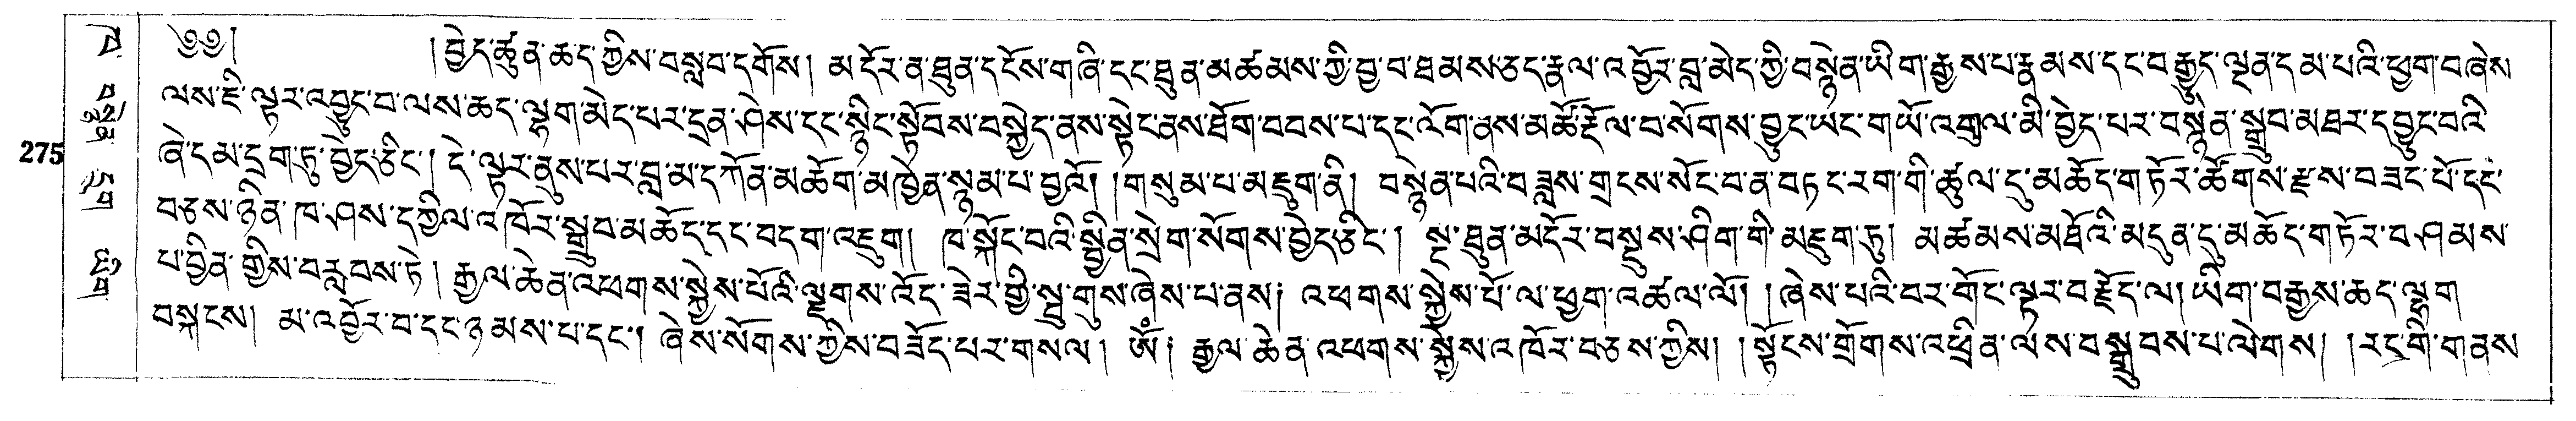༄༅། །བྱེད་ཚུན་ཆད་ཀྱིས་བརླབ་དགོས། མདོར་ན་ཐུན་དངོས་གཞི་དང་ཐུན་མཚམས་ཀྱི་བྱ་བ་ཐམས་ཅད་རྣལ་འབྱོར་བླ་མེད་ཀྱི་བསྙེན་ཡིག་རྒྱས་པ་རྣམས་དང་བརྒྱུད་ལྡན་དམ་པའི་ཕྱག་བཞེས་
ལས་ཇི་ལྟར་འབྱུང་བ་ལས་ཆད་ལྷག་མེད་པར་དྲན་ཤེས་དང་སྙིང་སྟོབས་བསྐྱེད་ནས་སྟེང་ནས་ཐོག་བབས་པ་དང་འོག་ནས་མཚོ་རྡོལ་བ་སོགས་བྱུང་ཡང་གཡོ་འགུལ་མི་བྱེད་པར་བསྙེན་སྒྲུབ་མཐར་དབྱུང་བའི་
ཞེ་དམ་དྲག་ཏུ་བྱེད་ཅིང་། དེ་ལྟར་ནུས་པར་བླ་མ་དཀོན་མཆོག་མཁྱེན་སྙམ་པ་བྱའོ། །གསུམ་པ་མཇུག་ནི། བསྙེན་པའི་བཟླས་གྲངས་སོང་བ་ན་བཏང་རག་གི་ཚུལ་དུ་མཆོད་གཏོར་ཚོགས་རྫས་བཟང་པོ་དང་
བཅས་ཉིན་ཁ་ཤས་དཀྱིལ་འཁོར་སྒྲུབ་མཆོད་དང་བདག་འཇུག །ཁ་སྐོང་བའི་སྦྱིན་སྲེག་སོགས་བྱེད་ཅིང་། སྔ་ཐུན་མདོར་བསྡུས་ཤིག་གི་མཇུག་ཏུ། མཚམས་མཐོའི་མདུན་དུ་མཆོད་གཏོར་བཤམས་
པ་བྱིན་གྱིས་བརླབས་ཏེ། རྒྱལ་ཆེན་འཕགས་སྐྱེས་པོའི་ལྗགས་འོད་ཟེར་གྱི་སྦུ་གུས། ཞེས་པ་ནས། འཕགས་སྐྱེས་བོ་ལ་ཕྱག་འཚལ་ལོ། །ཞེས་པའི་བར་གོང་ལྟར་བརྗོད་ལ། ཡིག་བརྒྱས་ཆད་ལྷག་
བསྐངས། མ་འབྱོར་བ་དང་ཉམས་པ་དང་། ཞེས་སོགས་ཀྱིས་བཟོད་པར་གསོལ། ཨོཾ༑ རྒྱལ་ཆེན་འཕགས་སྐྱེས་འཁོར་བཅས་ཀྱིས། །སྟོངས་གྲོགས་འཕྲིན་ལས་བསྒྲུབས་པ་ལེགས། །རང་གི་གནས་